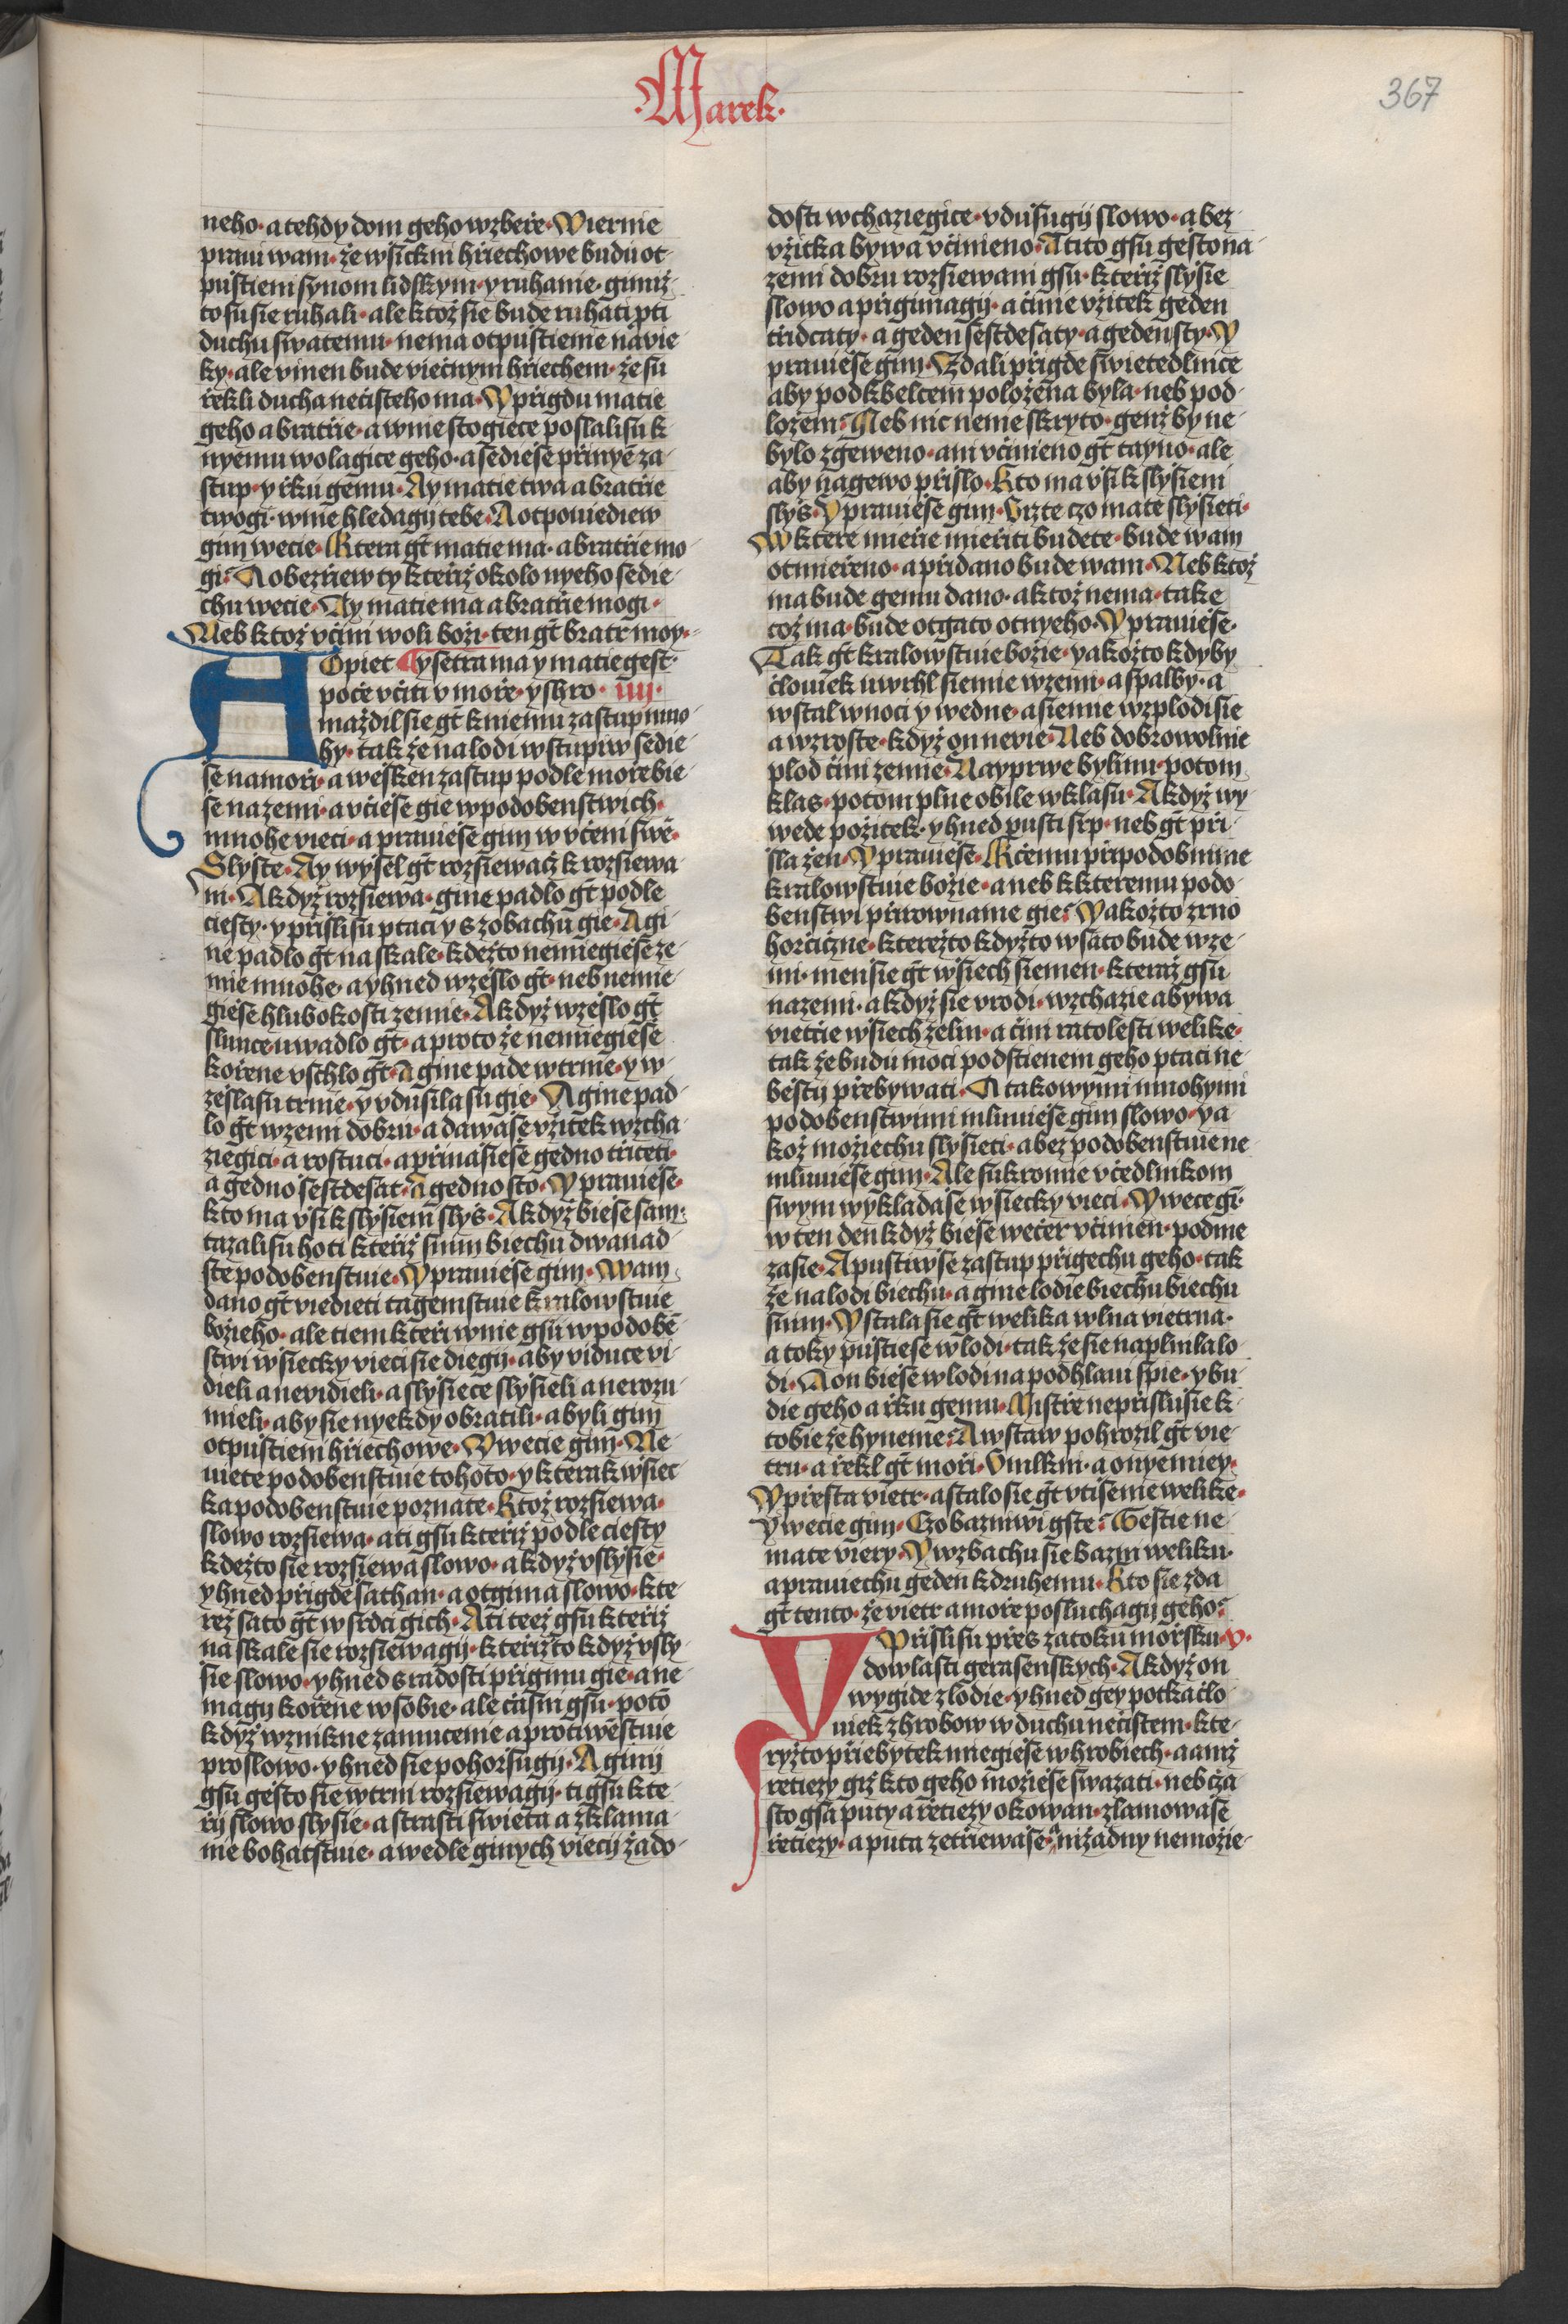neho.a tehdy dom geho wzbeṙe.Viernie
pravi wam. że wẛickni hṙiechowe budú ot¬
puẛtieni ſynom lidſkym.y ruhanie.gimiż¬
to ſu ſie ruhali.ale ktoż ſie bude ruhati ꝓti
duchu ſwatemu. nema otpuẛtienie navie¬
ky.ale vinen bude vieċnym hṙíechem.że ſu
ṙekli ducha neċiſteho ma.Y pṙigdu matie
geho a bratṙie.a wnie ſtogíece poſlali ſu k
nemu wolagíce geho.a ſedíeẛe pṙinyē za¬
ſtup.y ṙkú gemu.Ay matie twá a bratṙíe
twogí.wnie hledagij tebe.A otpowiediew
gim wecie.Ktera ḡt matíe ma.a bratṙíe mo¬
gi? A obezṙiew ty kteṙiż okolo nyeho ſedie¬
chu wecie.Ay matie ma a bratṙie mogi.
Neb ktoż uċiní woli bożi.ten ḡt bratr moy
Opiet yſeſtra ma y matie geſt.
poċe vċiti o moṙe.y ſhro. iiij.
mażdil ſie ḡt k níemu zaſtup mno¬
hy tak że na lodi wſtupiw ſedíe
ẛe na moṙi.a weẛken zaſtup podle moṙe bíe¬
ẛe nazemi.a vċieẛe gie wpodobenſtwích.
mnohe vieci.a prauieẛe gim w vċeni ſwē.
Slyẛte.Ay wyẛel ḡt rozſiewacż k rozſiewa¬
ní.A kdyż rozſiewa.gine padlo ḡt podle
cieſty.y pṙiẛliſu ptaci y szobachu gie.A gi¬
le padlo ḡt na ſkale.kdeżto nemiegieẛe ze¬
mie mnohe.a yhned wzeẛlo ḡt neb nemie¬
gíeẛe hlubokoſti zemie.A kdyż wzeẛlo ḡt
ſlunce.uwadlo ḡt.a proto że nemiegíeẛe
koṙene uſchlo ḡt A gine pade wtrnie y w¬
zeẛlaſu trnie.y vduſila ſu gie.A gine pad¬
lo ḡt wzenni dobrú a dawaẛe vżitek wzcha¬
ziegici.a roſtucí.a pṙínaẛíeſe gedno tṙiceti.
gedno ẛeſtdeſaṫ.A gedno ſto.Y prauíeẛe.
kto ma vẛi k ſlyẛienu ſlyṡ.Akdyż bíeẛe ſam.
tazaliſu hoti kteṙiž ſnim bíechu dwanad¬
ſte podobenſtuíe.Y prauíeẛe gím.Wam
dáno ḡt viedieti tagemſtuie kralowſtuíe
bożieho.ale tiem kteṙi wnie gſú wpodobē¬
ſtwí wẛiecky vieci ſie diegij.aby viduce vi¬
dieli a nevidieli.a ſlyẛíece ſlyẛieli a nerozu¬
mieli.aby ſie nyekdy obratili.a byli gim
otpuẛtieni hṙíechowe.Y wecie gim.Ne¬
uíete podobenſtuíe tohoto.y kteraik wẛiec¬
ka podobenſtuíe poznate.Ktoż rozſiewa.
lowo rozſiewa.a ti gſu kteṙiż podlé cieſty
kdeżto ſie rozſíewa ſlowo.a kdyż vſlyẛíe.
Yhned pṙigde ẛathan.a otgima a ſlowo.kte¬
reż ſato ḡt w ſrdci gich. A ti teež gſu kteṙíż
na ſkale ſie rozſiewagi.kteṙíżto kdyż vſly¬
ẛie ſlowo.yhned sradoſtí pṙigmu gíe.a ne¬
magi koṙené w ſobie. ale ċaſní gſu.potō
kdyż wznikne zanuceníe a protiwēſtwie
pro ſlowo.y hned ſie pohorẛugij. A ginij
gſu geẛto ſie wtrni rozſiewagij.ti gſu kte¬
ṙij ſlowo ſlyẛíe.a ſtraſti ſwieta a zklama¬
níe bohatſtuíe.a wedlé ginych viecij żado¬
doſti wchaziegice.vduẛugij ſlowo.a bez
vžitka bywa vċinieno.Atito gſu geẛto na
zemi dobru rozſiewani gſu.kteṙiż ſlyẛie
ſlowo a pṙigimagi.a ċiníe vżitek geden
tṙidcaty.a geden ſeſtdeſtty.a geden ſty.Y
prauíeẛe gim.Zdali pṙigde ſwietedlníce
aby podkbelcem polożena byla.neb pod¬
lożem Neb nic nenie ſkryto.genż by ne¬
bylo zgeweno.ani vċineto ḡt tayno.ale
aby nagewo pṙiẛlo.Kto ma vẛi ſlyẛieni
ſlyṡ.A prauíeẛe gím.Vizte czo mate ſlyẛieti.
W které mieṙie mieṙie budete.bude wam
otmíeřeno.a pṙidano bude wam.Neb ktoż
ma bude gemu dano.a ktoż nema.také
coż ma.bude otgato ot nyeho. A prauíeẛe.
Tak ḡt kralowſtuíe bożíe.yakożto kdyby
ċlowiek urhl ſieme wzemí.a ſpalby.a
wſtal vnoci y wedne.a ſietmie wzplodí ſie¬
a wzroſte. kdyż on nevíe Neb dobrowolnie
plod ċíni zemie.Nayprwe bylinu.potom
klas.potom plne obile wklaſu.Akdyž wy¬
wede pożitek.y hned puſti ſrp.neb ḡt pṙi¬
ẛla žen.Y prauíeẛe.K ċemu pṙipodobnime
kralowſuíe bożíe.aneb kteremu podo¬
benſtwi pṙirownanie gie?Yakożto zrno¬
horċicżne.kterežto kdyżto wſato bude wze¬
mi.menẛie ḡt wẛíech ſiemet. kteríž gſu
nezeṅí.a kdyż ſie vrodí.wzcházíe abywa
vietċie wẛiech zelim.a čini ratoleſti welike.
tak że budú moci pod ſtienem geho ptaci ne¬
beẛtij pṙebywati. A takowymi mnohymi
podobenſtwimi mluuieẛe guc ſlowo.y a¬
kož możíechu ſlyẛieti.abez podobezſtne ne¬
mluuíeẛe gim.Ale ſukromíe vċedlníkom
ſwym wykladaẛe wſiecky vieci.Ywece ḡt.
w ten den kdyż bíeẛe weċer.uċinien.podme
zaſie.A puſtiwẛe zaſtup přigechu geho.tak
že na lodí bíechu.a gine lodie bíechu bíechu
ſnim.Y ſtala ſie ḡt welika wlna wietrna.
a toky puẛtíeſe volodi.tak że ſie naplnila lo¬
dí. A on bíeẛe wlodí na podhlauí ſpie.y bu¬
die geho a ṙku gemu.Miſtṙe nepṙiſluẛie k
tobie že hyneme?A wſaw pohrozil ḡt vie¬
tru.a ṙekl ḡt moṙi.Vmlkni.a onyemiey
Y pṙeſta vietr.a ſtalo ſie ḡt vtiẛenie welike.
Y wecie gim.Czo bazniwi gſte Geẛtie ne¬
mate viery. A wzbachu ſie bazni weliku.
a przaíechu geden k druhemu.Kto ſie zda¬
ḡt tento.że víetr a moṙe poſluchagij geho?
Pṙiẛli ſu pṙes zatoku moṙſku.v.
do wlaſti garaſenſkých.A kdyż on
wygíde z lodie.yhned gey potka ċlo¬
uiek z hrobow w duchu neċiſtem.kte¬
ryżto pṙíebýtek miegíeẛe w hrobiech.a aniż
retiezy giż kto geho možíeẛe ſwazati.neb cża¬
ſto gſa puty a ṙetiezy okowan zlamowaẛe
ṙetiezy.a puta zetṙíewaẛe. a niżadny nemożíe